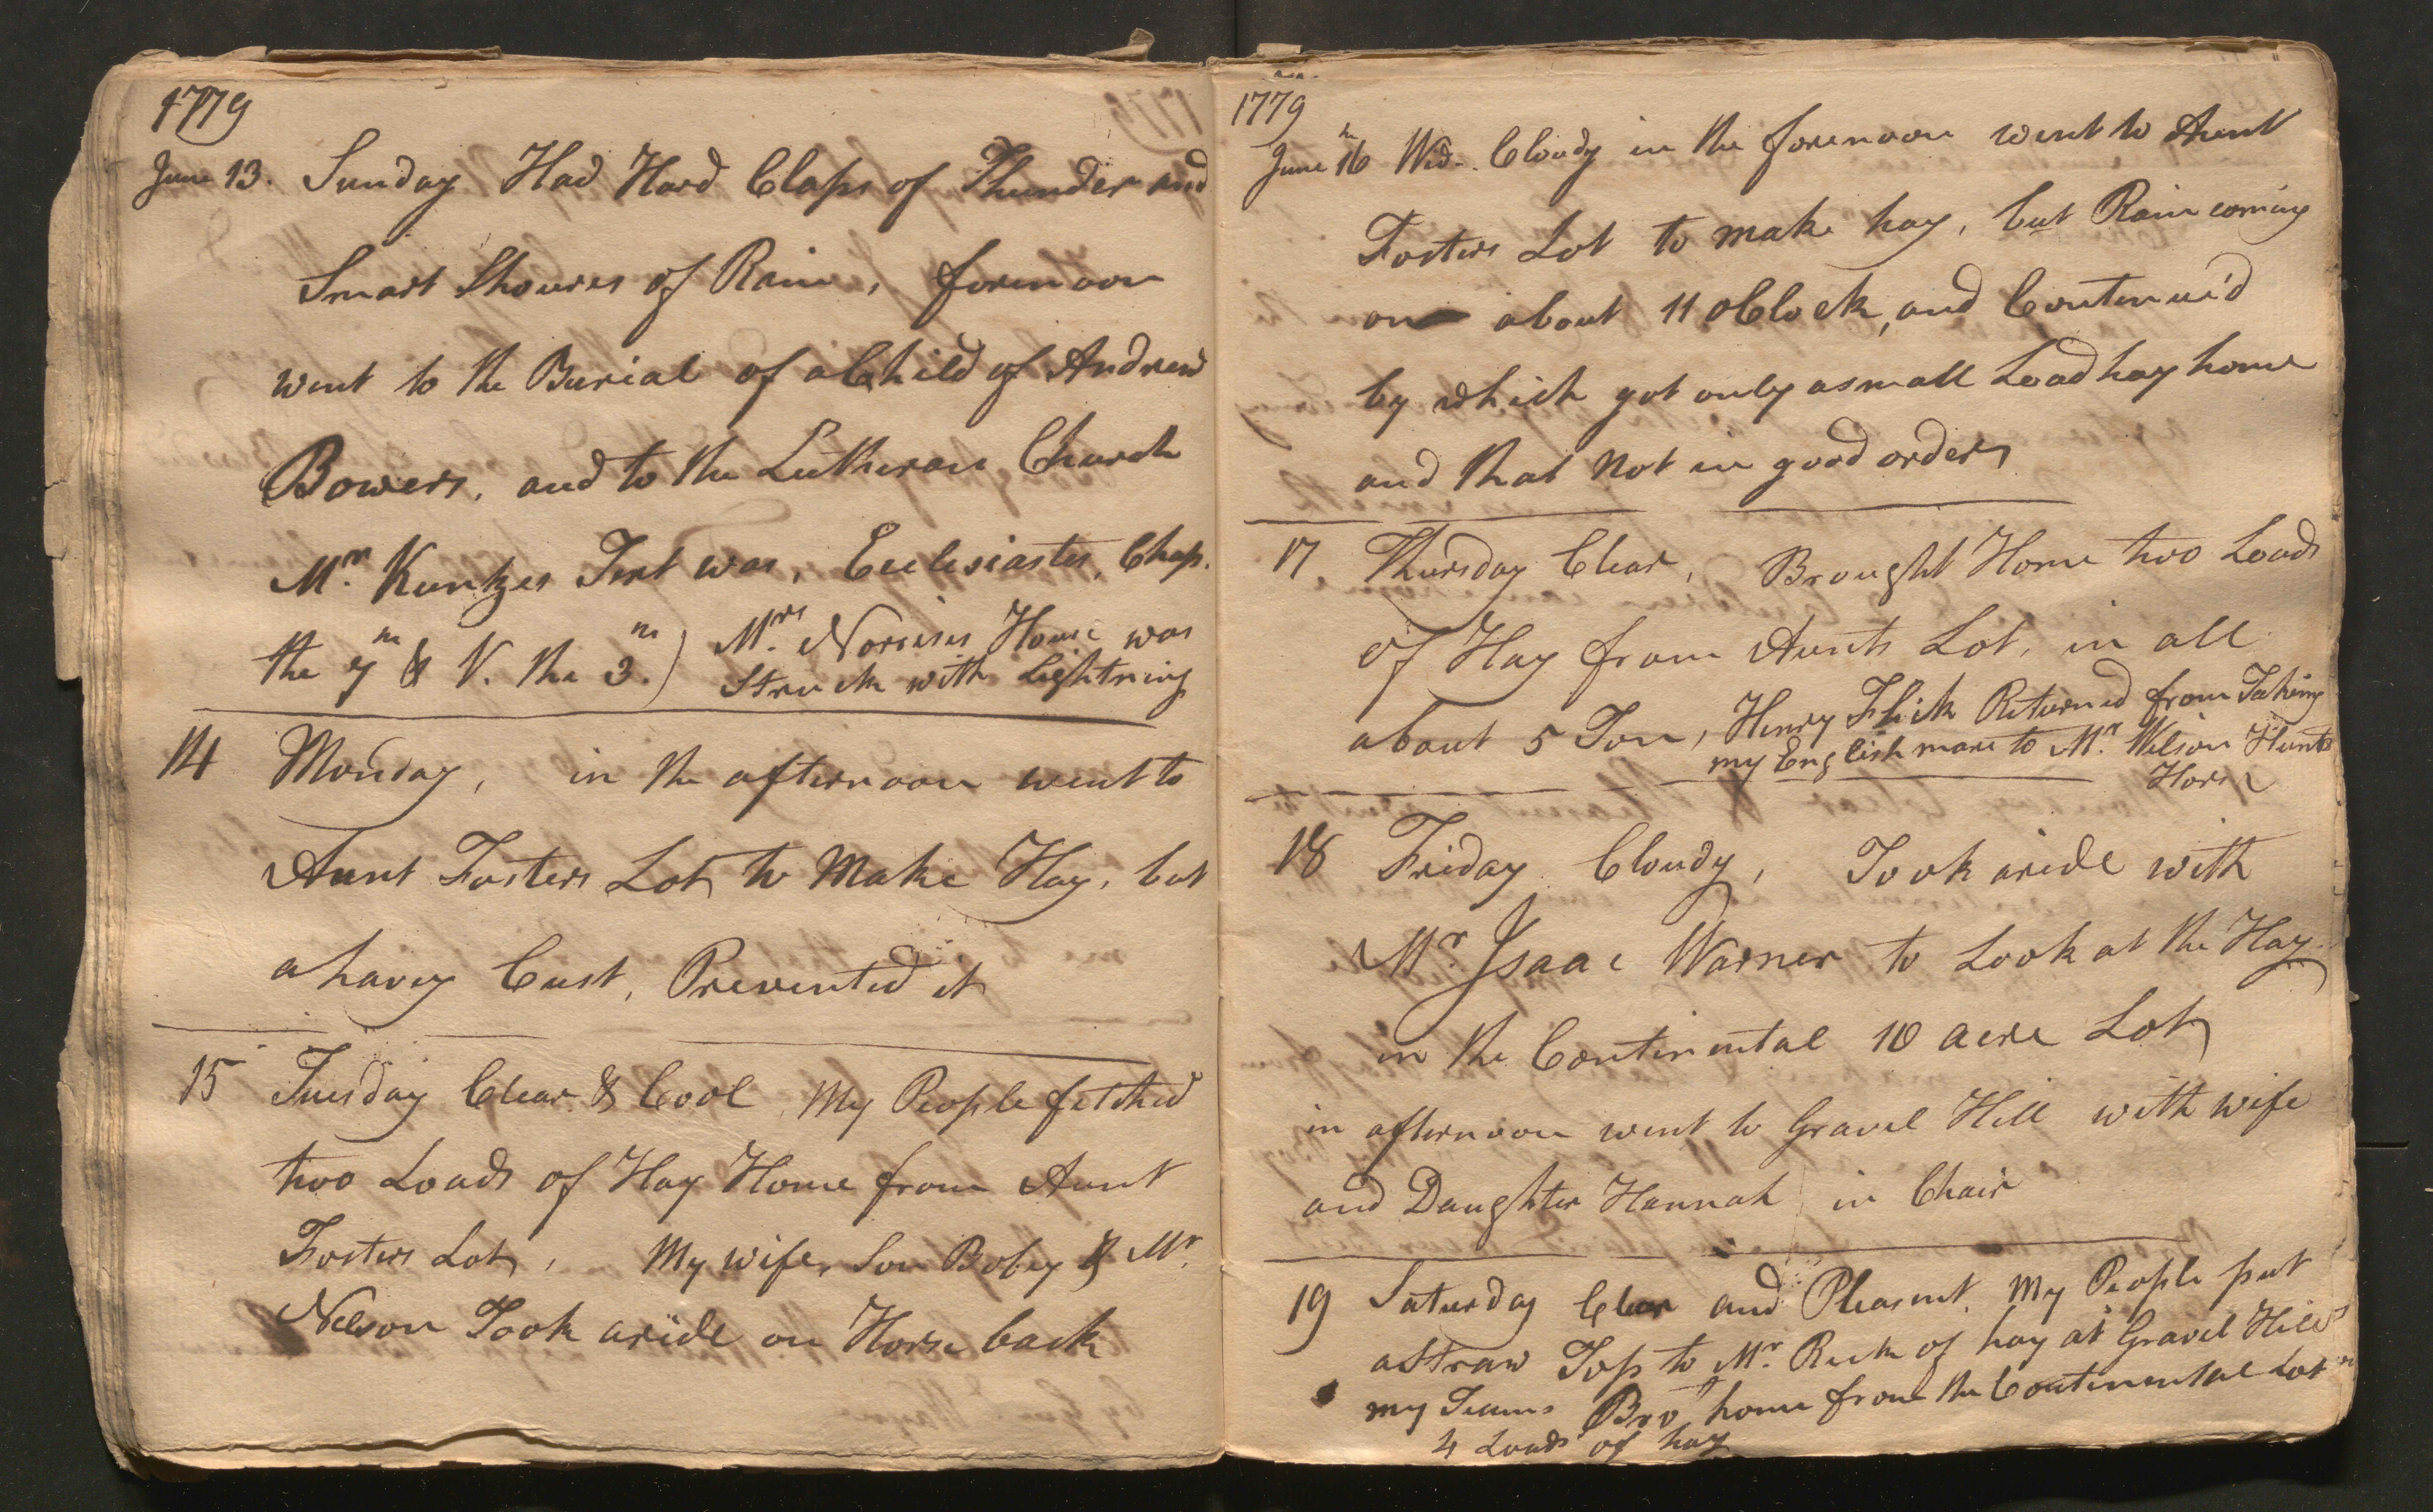1779
June 13. Sunday Had Hard Claps of Thunder and
Smart Shoures of Rain, forenoon
went to the Burial of a Child of Andrew
Bowers, and to the Lutheran Church
M^r. Kuntzes Text was. Ecclesiastes, Chap
the 7^th & V. the 3^th.
M^rs. Norrises House was
Struck with Lightning
14 Monday, in the afternoon went to
Aunt Fosters Lot to Make Hay, but
a havey Cust, Prevented it
15 Tuesday Clear & Cool My People fetched
two Loads of Hay Home from Aunt
Fosters Lot. My wife, son Bobey & M^r.
Nelson Took a ride on Horse back
1779
June 16^th Wed. Cloudy in the forenoon went to Aunt
Fosters Lot to make hay, but Rain coming
on about 11 oClock, and Continu'd
by which got only a small Load hay home
and that not in good order
17. Thursday Clear, Brought Home two Loads
of Hay from Aunts Lot, in all
about 5 Ton, Henry Flick Retuned from Taking
my English man to M^r. Wilson Hunts
Horse-
18 Friday Cloudy, Took a ride with
M^r. Isaac Warner to Look at the Hay
in the Continental 10 acre Lot
in afternoon went to Gravel Hill with wife
and Daughter Hannah in Chair
19 Saturday Clear and Pleasent, My People put
a Straw Top to M^r. Rich of hay at Gravel Hill
my Teams Bro^t home from the Coutinental Lot
4 Loads of hay